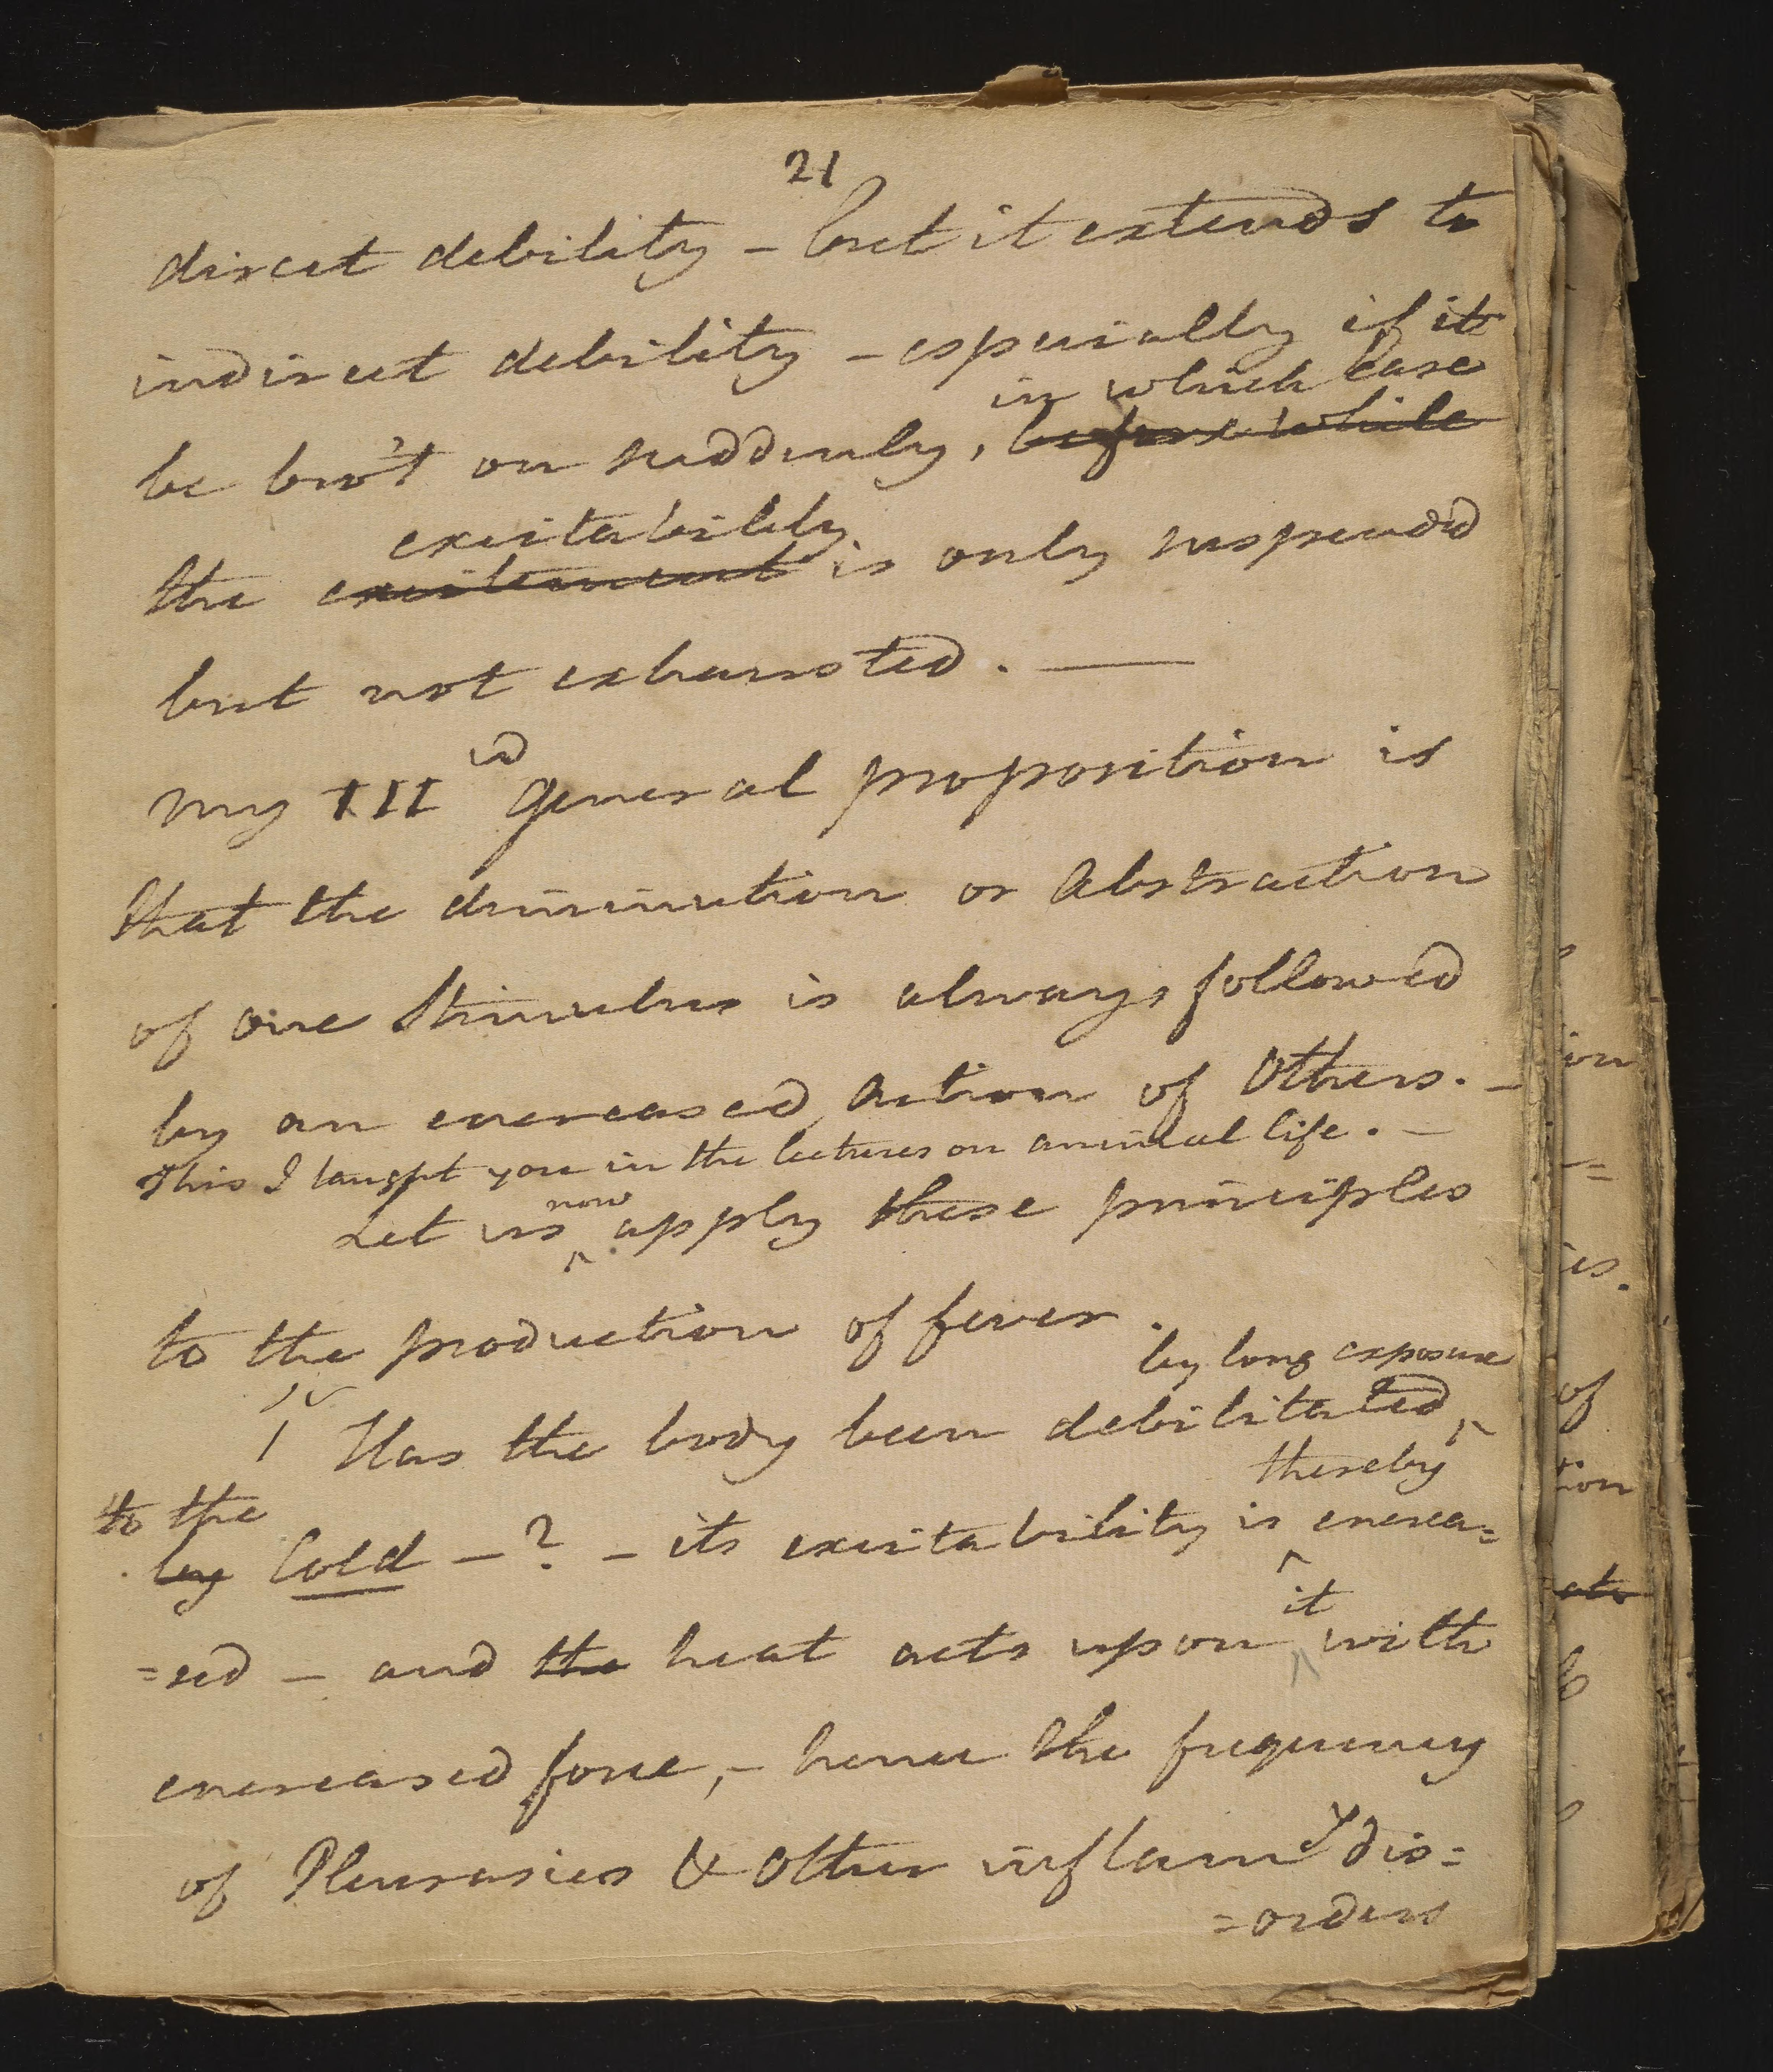21
direct debility, but it extends to
indirect debility- especially if it
in which case
be bro't on suddenly, [before which]
excitability
the [excitement] is only suspended
but not exhausted.
My III^rd general proposition is
that the diminuation or abstraction
of one Stimulus is always followed
by an encreased action of Others.
This I taught you in lectures on animal life.
now
Let us ^ apply these principles
to the production of fever
IV
by long exposure
Has the body been debilitated
to the
thereby
[by] Cold-?- its excitability is ^ encrea-
it
-sed- and [the] heat acts upon ^ with
encreased force, have the frequency
of Pleurasies & other inflam^y dis-
-orders